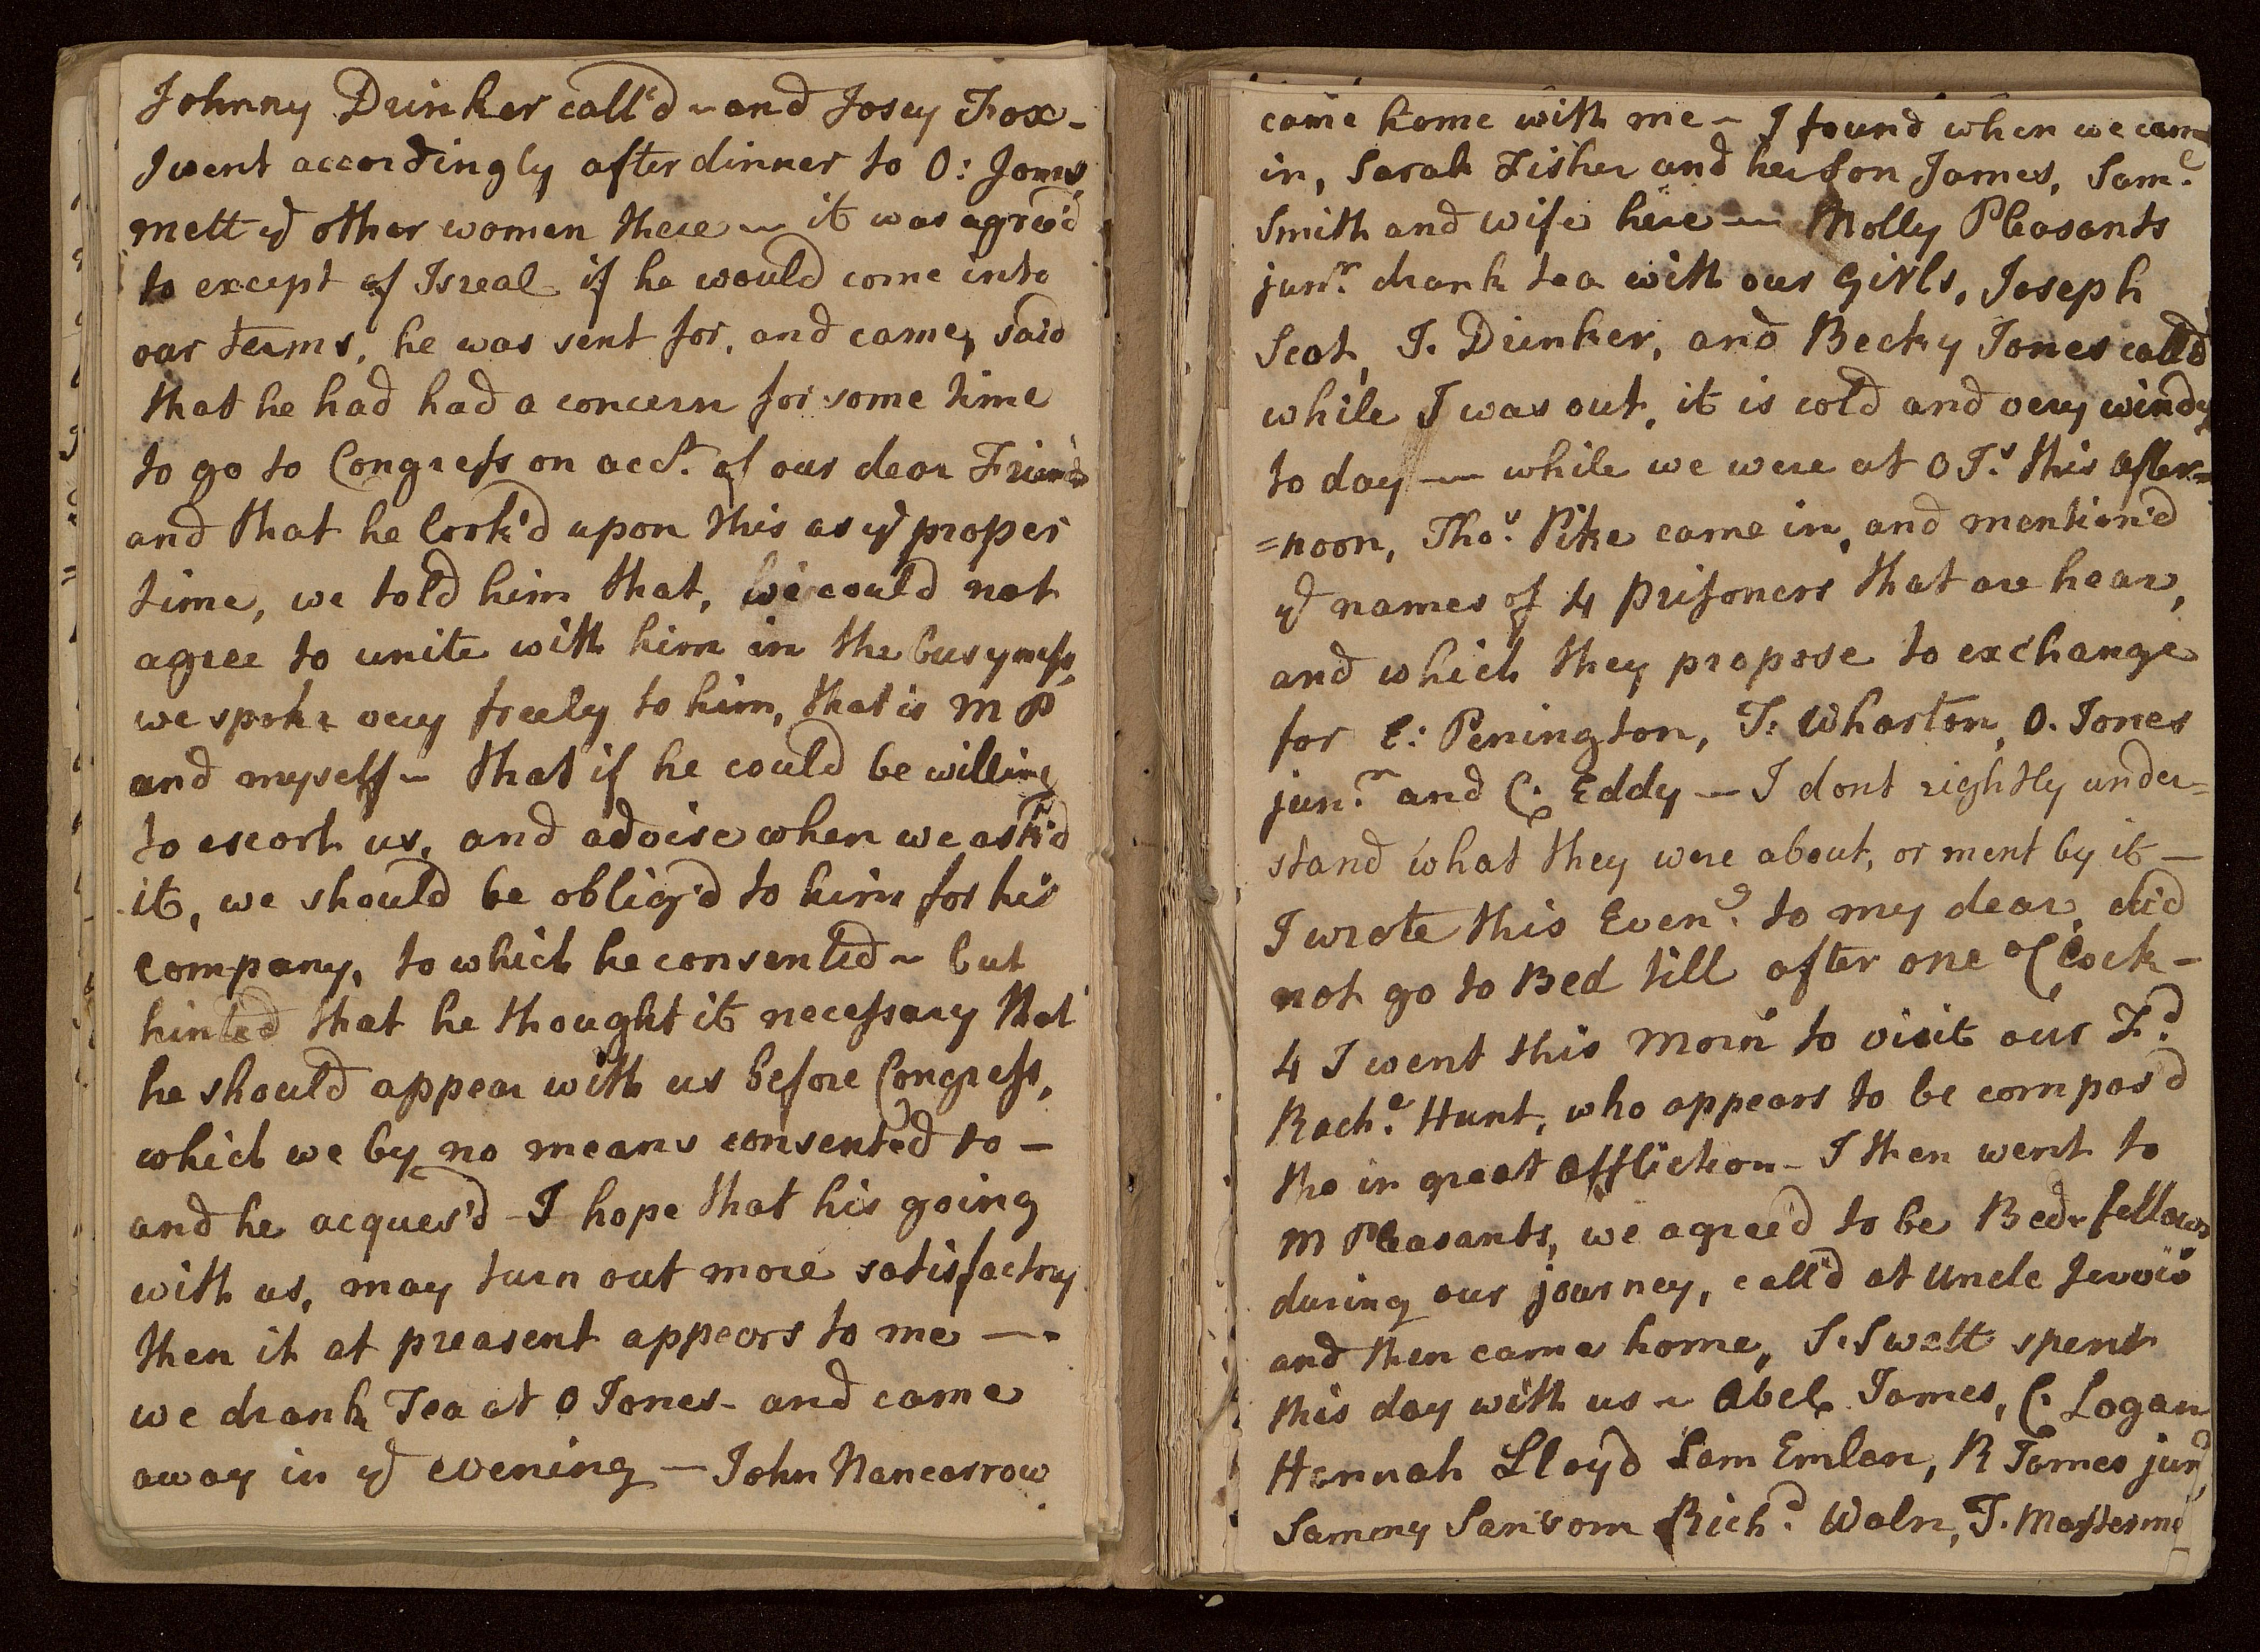Johnny Drinker call'd- and Josey Fox-
I went accordingly after dinner to O: Jones
mett y^e other women there-- it was agree'd
to except of Isreal. if he would come into
our terms, he was sent for, and came, said
that he had had a concern for some time
to go to Congress on acc^t. of our dear Friends
and that he look'd upon this as y^e proper
time, we told him that we could not
agree to unite with him in the busyness,
we spoke very freely to him, that is M P
and myself- that if he could be willing
to escort us, and advise when we ask'd
its, we should be oblig'd to him for his
company, to which he consented- but
hinted that he thought it necessary that
he should appear with us before Congress,
which we by no means consented to-
and he acques'd- I hope that his going
with us, may turn out more satisfactory
then it at present appeors to me-
we drank Tea at O Jones- and came
away in y^e evening- John Nancarrow
came home with me- I found when we came
in, Sarah Fisher and her Son James, Sam^l.
Smith and Wife here-Molly Pleasants
jun^r. drank tea with our Girls, Joseph
Seat T. Drinker, and Becky Jones call'd
while I was out, it is cold and very windy
to day- while we were at O J.^s this after-
-noon, Tho^s. Pike came in, and mention'd
y^e names of 4 prisoners that are hear,
and which they propose to exchange
for E: Penington, T. Wharton, O. Jones
jun^r. and C. Eddy- I dont rightly under-
stand what they were about, or ment by it-
I wrote this Even^g to my dear, did
not go to Bed till after one ^o Clock-
4 I went this morn^g to visit our F^d
Rach^l. Hunt, who appears to be compos'd
tho in great affliction- I then went to
M Pleasants, we agreed to be Bedfellows
during our journey, call'd at Uncle Jervis'
and then came home, S. Swett spent
this day with us- Abel James, C. Logan
Hannah Lloyd Sam Emlen, R James jun^r
Sammy Sansom Rich^d. Waln, J. Masterm